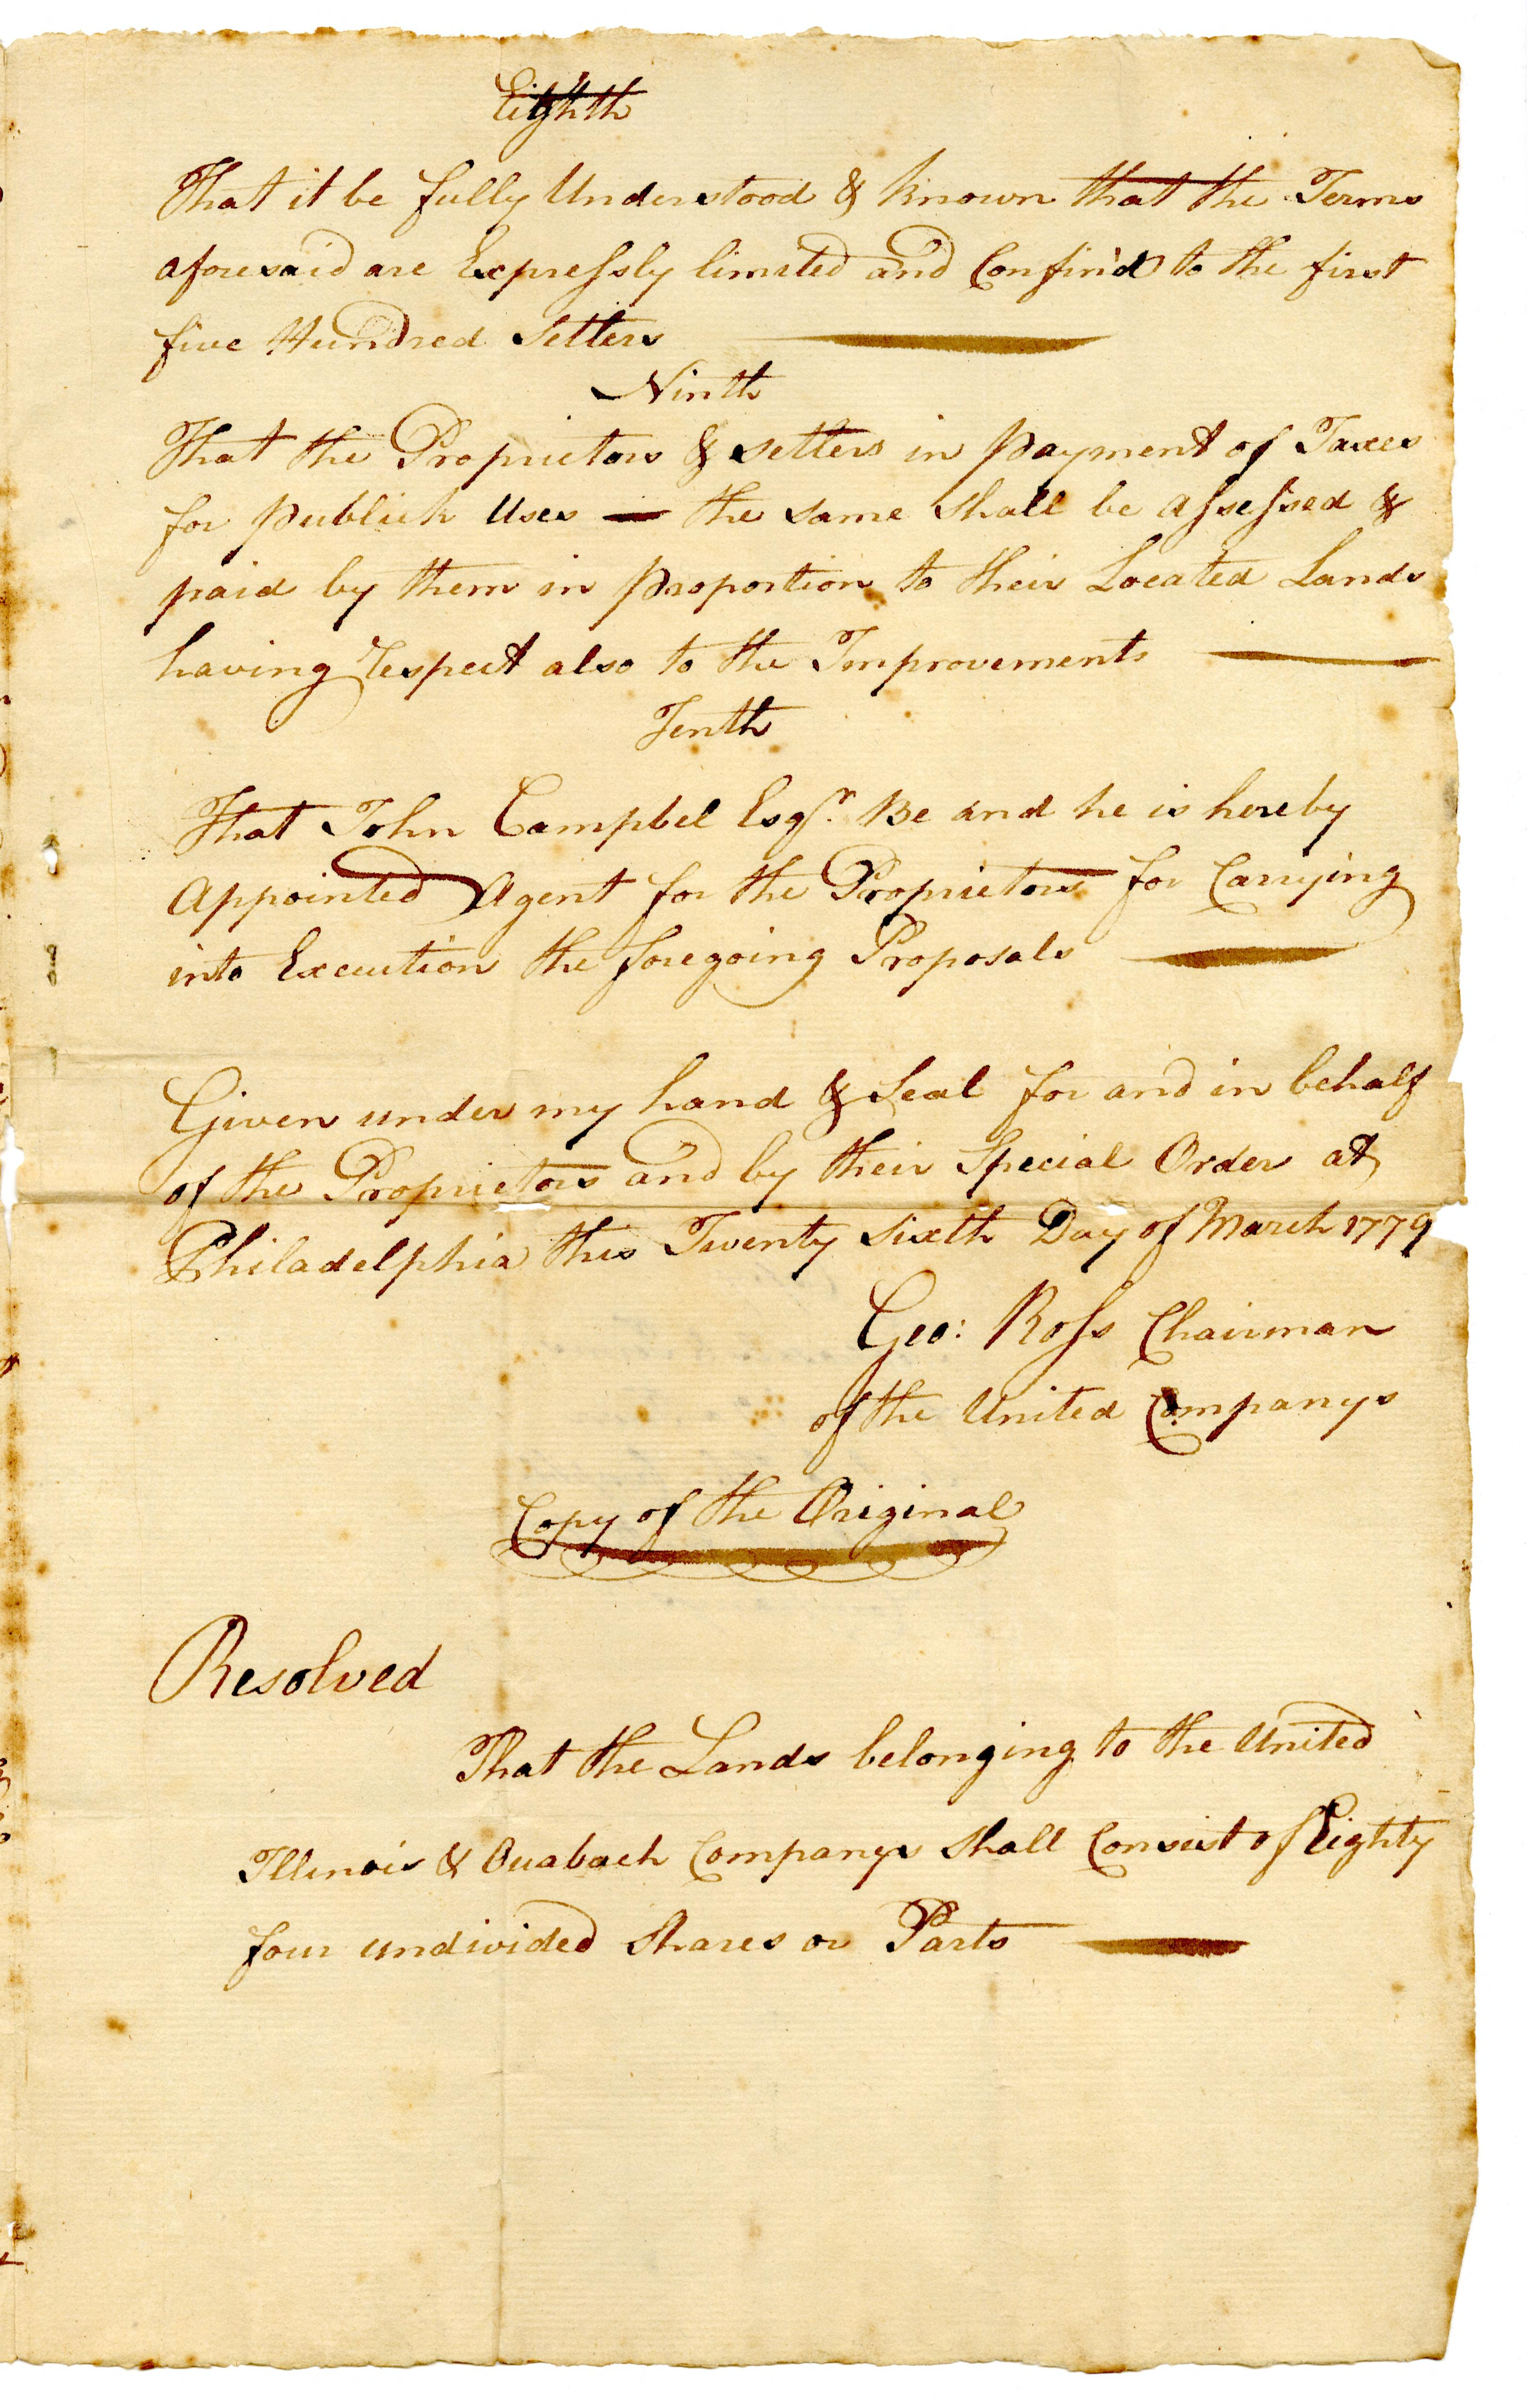Eighth
That it be fully Understood & known that the Terms
aforesaid are Expressly limited and Confin'd to the first
five Hundred Setlers
That the Proprietors & setlers in Payment of Taxes
Ninth
for publick Uses- the same Shall be assessed &
paid by them in proportion to their Located Lands
having respect also to the Improvements-
Tenth
That John Campbel Esq^r. Be and he is hereby
Appointed Agent for the Proprietor for Carrying
into Execution the foregoing Proposals
Given under my hand & seal for and in behalf
of the Proprietors and by their Special Order at,
Philadelphia this Twenty Sixth Day of March 1779
Geo: Ross Chairman
of the United Company's
Copy of the Original
Resolved
That the Lands belonging to the United
Illinois & Ouabach Company shall Consist of Eighty
four undivided Shares or Parts